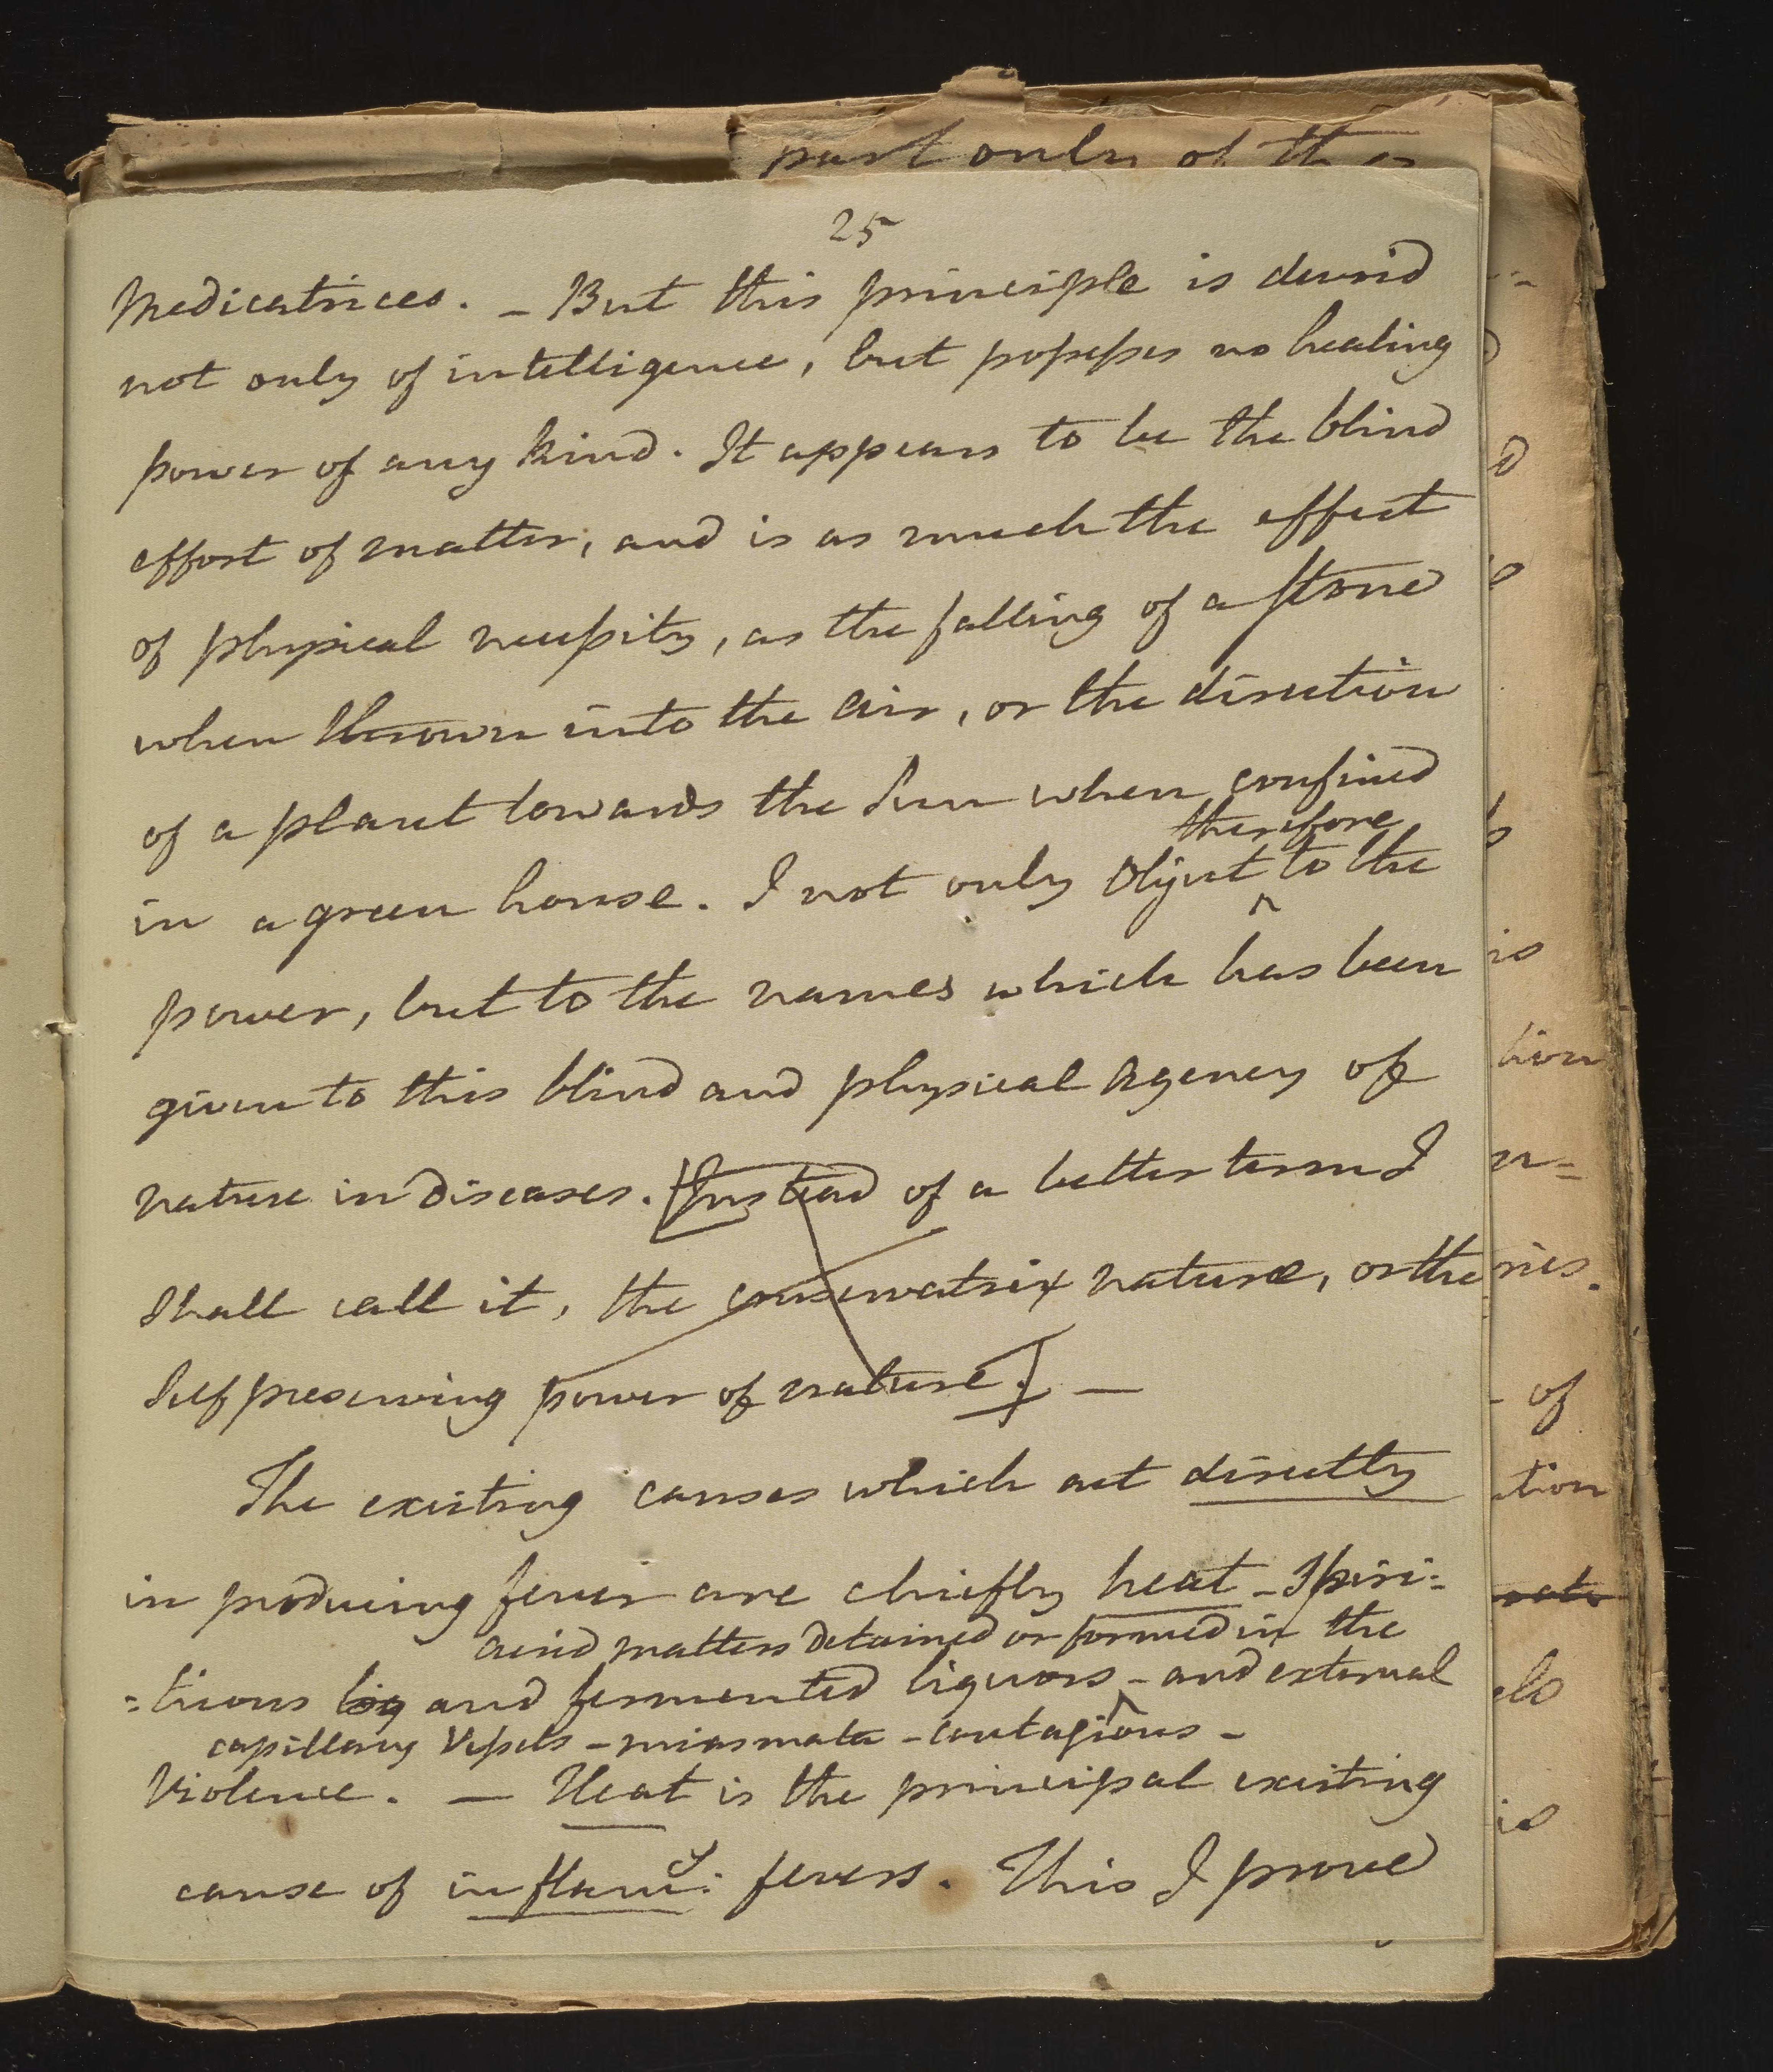25
medicatrices.- But this principles is devoid
not only of intelligence, but proposes no healing
power of any kind. It appears to be the blind
effort of matter, and is as much the effect
of physical necessity, as the falling of a stone
when thrown into the air, or the direction
of a plant towards the Sun when confined
therefore
in a green house. I not only object ^ to the
power, but to the names which has been
given to this blind and physical agency of
nature in diseases. (Instead of a better term I
shall call it, the conservatrix nature, or the
self preserving power of nature.)
The exciting causes which act directly
in producing fever are chiefly heat. Spiri-
and matter detained or formed in the
-tous [liq] and fermented liquors ^ and external
capillary vessels - miasmata - contagions
violence.- Heat is the principal exciting
cause of inflam^y fevers. This I prove